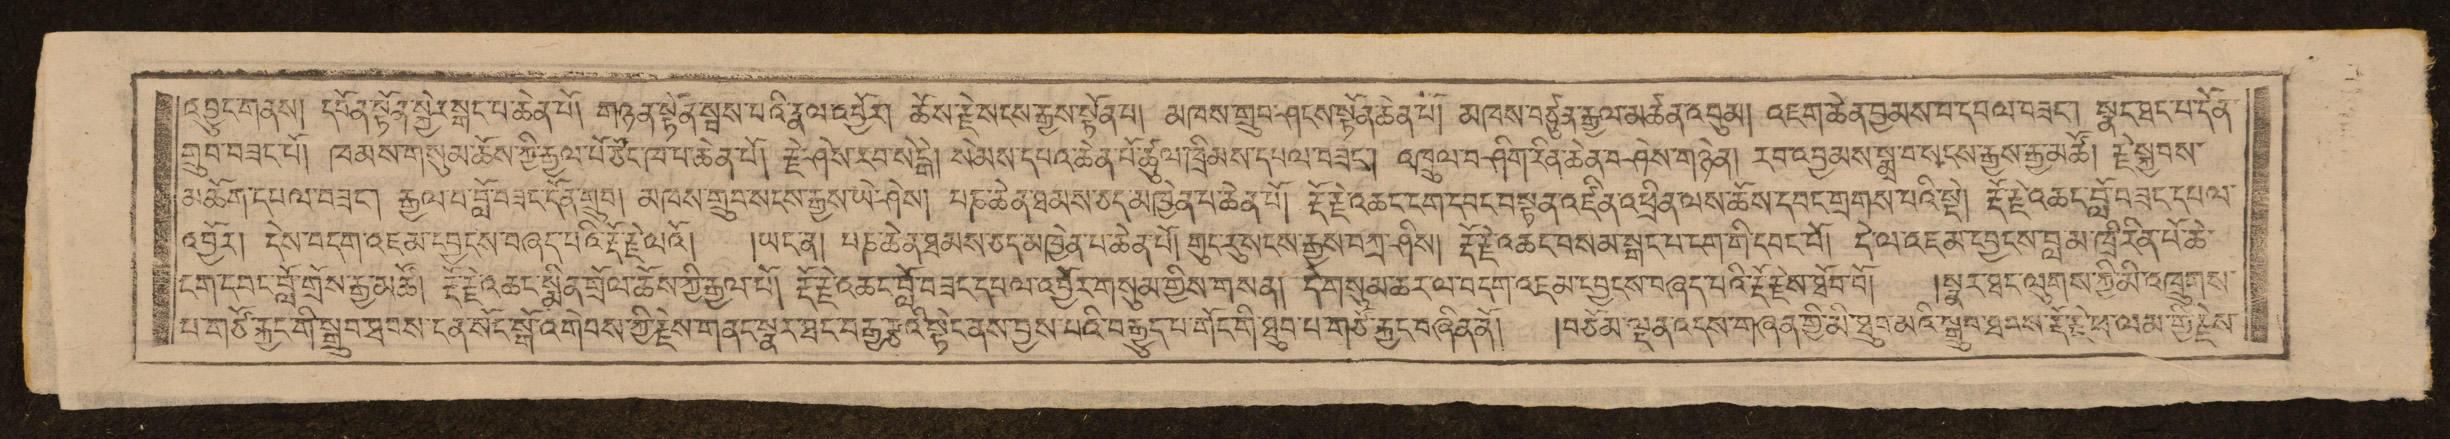འབྱུང་གནས། དབོན་སྟོན་སྐྱེར་སྒང་པ་ཆེན་པོ། གཉན་སྟོན་སྦས་པའི་རྣལ་འབྱོར། ཆོས་རྗེ་སངས་རྒྱས་སྟོན་པ། མཁས་གྲུབ་ཤངས་སྟོན་ཆེན་པོ། མཁས་བཙུན་རྒྱལ་མཚན་འབུམ། འཇག་ཆེན་བྱམས་བ་དཔལ་བཟང་། སྣང་ཐང་པ་དོན་
གྲུབ་བཟང་པོ། ཁམས་གསུམ་ཆོས་ཀྱི་རྒྱལ་པོ་ཙོང་ཁ་པ་ཆེན་པོ། རྗེ་ཤེས་རབ་སེངྒེ། སེམས་དཔའ་ཆེན་པོ་ཚུལ་ཁྲིམས་དཔལ་བཟང་། འཁྲུལ་བཤིག་རིན་ཆེན་བཤེས་གཉེན། རབ་འབྱམས་སྨྲ་བ་སངས་རྒྱས་རྒྱ་མཚོ། རྗེ་སྐྱབས་
མཆོག་དཔལ་བཟང་། རྒྱལ་བ་བློ་བཟང་དོན་གྲུབ། མཁས་གྲུབ་སངས་རྒྱས་ཡེ་ཤེས། པཎ་ཆེན་ཐམས་ཅད་མཁྱེན་པ་ཆེན་པོ། རྡོ་རྗེ་འཆང་ངག་དབང་བསྟན་འཛིན་འཕྲིན་ལས་ཆོས་དབང་གྲགས་པའི་སྡེ། རྡོ་རྗེ་འཆང་བློ་བཟང་དཔལ་
འབྱོར། དེས་བདག་འཇམ་དབྱངས་བཞད་པའི་རྡོ་རྗེ་ལའོ། །ཡང་ན། པཎ་ཆེན་ཐམས་ཅད་མཁྱེན་པ་ཆེན་པོ། གུང་རུ་སངས་རྒྱས་བཀྲ་ཤིས། རྡོ་རྗེ་འཆང་བསམ་སྒང་པ་ངག་གི་དབང་པོ། དེ་ལ་འཇམ་དབྱངས་བླ་མ་ཁྲི་རིན་པོ་ཆེ་
ངག་དབང་བློ་གྲོས་རྒྱ་མཚོའི་རྡོ་རྗེ་འཆང་སྨིན་གྲོས་ཆོས་ཀྱི་རྒྱལ་པོ། རྡོ་རྗེ་འཆང་བློ་བཟང་དཔལ་འབྱོར་གསུམ་གྱིས་གསན། དེ་གསུམ་ཆར་ལ་བདག་འཇམ་དབྱངས་བཞད་པའི་རྡོ་རྗེས་ཐོབ་བོ། །སྣར་ཐང་ལུགས་ཀྱི་མི་འཁྲུགས་
པ་གཙོ་རྐྱང་གི་སྒྲུབ་ཐབས་ངན་སོང་སྒོ་རེག་བས་ཀྱི་རྗེས་གནང་སྣར་ཐང་བརྒྱ་རྩའི་སྟེང་ནས་བྱས་པའི་བརྒྱུད་པ་གང་ཐུབ་པ་གཙོ་རྐྱང་བཞིན་ནོ། །བཅོམ་ལྡན་འདས་གཞན་གྱི་མི་ཐུབ་མའི་སྒྲུབ་ཐབས་རྡོ་རྗེ་ཕ་ལམ་གྱི་རྗེས་